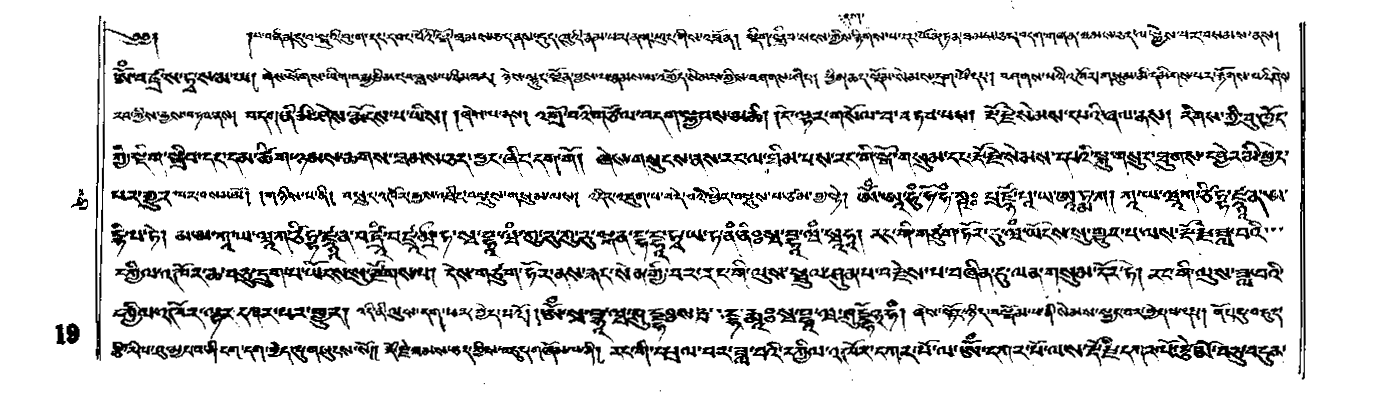༄༅། །པ་བཞིན་དུ་བ་སྦུའི་བུ་ག་དང་དབང་པོའི་སྒོ་ཐམས་ཅད་ནས་དུད་ཁུའི་རྣམ་པར་ནག་ཕུང་གིས་འཐོན། སྡིག་སྒྲིབ་སངས་ཀྱིས་དག་རྟོགས་པ་དང་ཡོན་ཏན་ཐམས་ཅད་བདག་གཞན་ཐམས་ཅད་ལ་སྐྱེས་པར་བསམས་ནས།
ཨོཾ་བཛྲ་སཏྭ་ས་མ་ཡ། ཞེས་སོགས་ཡིག་བརྒྱ་ཅི་མང་བཟླས་པའི་མཐར། ཉེས་ལྟུང་སྔོན་བྱས་པ་རྣམས་ལ་འགྱོད་སེམས་ཀྱིས་བཤགས་ཤིང་། ཕྱིན་ཆད་སྡོམ་སེམས་དྲག་པོ་དང་། བཤགས་པའི་འཁོར་གསུམ་མི་དམིགས་པར་རྟོགས་པའི་ཤེས་
རབ་ཀྱིས་རྒྱས་བཏབ་ནས། བདག་ནི་མི་ཤེས་རྨོངས་པ་ཡིས། །ཞེས་པ་ནས།  འགྲོ་བའི་གཙོ་ལ་བདག་སྐྱབས་མཆི། །དེ་ལྟར་གསོལ་བ་བཏབ་པས། རྡོ་རྗེ་སེམས་དཔའི་ཞལ་ནས། རིགས་ཀྱི་བུ་ཁྱོད་
ཀྱི་སྡིག་སྒྲིབ་དང་དམ་ཚིག་ཉམས་ཆགས་ཐམས་ཅད་བྱང་ཞིང་དག་གོ། ཞེས་གསུངས་ནས་རང་ལ་ཐིམ་པས་རང་གི་སྒོ་གསུམ་དང་རྡོ་རྗེ་སེམས་དཔའི་སྐུ་གསུང་ཐུགས་དབྱེར་མི་ཕྱེད་
པར་གྱུར་པར་བསམ་མོ། །གཉིས་པ་ནི། བསྲུང་འཁོར་རྒྱས་འཐིང་བསྡུས་གསུམ་ལས། འདིར་འཇུག་པ་བདེ་བའི་ཕྱིར་བསྡུས་པ་ཙམ་བྱ་སྟེ།  ཨོཾ་ཨཱ་ཧུཾ་ཧོ་ཧཾ་ཀྵཿ པྲཛྙ་པཱ་ཡ་ཨཱཏྨ་ཀ། ཀཱ་ཡ་ཝཱ་ཀ་ཙིཏྟ་ཛྙཱ་ན་ཨ་
དྷི་པ་ཏེ། མ་མ་ཀཱ་ཡ་ལྭཱ་ཀ་ཙིཏྟ་ཛྙཱ་ན་བཛྲཱཾ་བཛྲཱ་མྲྀ་ཏ་སྭ་བྷཱ་ཝཾ་ཀུ་རུ་ཀུ་རུ་སྐན་དྷ་དྷཱ་ཏྭ་ཡ་ཏ་ནཾ་ནིཿ སྭ་བྷཱ་ཝཾ་སྭཱཧཱ། རང་གི་གཙུག་ཏོར་དུ་ཝཾ་ཡོངས་སུ་གྱུར་པ་ལས་རྡོ་རྗེ་ཟླ་བའི་
དཀྱིལ་འཁོར་ཆ་བཅུ་དྲུག་པ་ཡོངས་སུ་རྫོགས་པ། དེས་གཙུག་ཏོར་ནས་རྐང་སེན་གྱི་བར་རང་གི་ལུས་སྤྲུལ་ཤུན་པ་བརྗེས་པ་བཞིན་དུ་ལན་གསུམ་དོར་ཏེ། རང་གི་ལུས་ཟླ་བའི་
དཀྱིལ་འཁོར་ལྟར་དཀར་པར་གྱུར། འདི་ནི་ལུས་དག་པར་བྱེད་པའོ།  །ཨོཾ་སྭ་བྷཱ་ཝ་ཤུདྡྷཿ སརྦ་དྷརྨཱཿ སྭ་བྷཱ་ཝ་ཤུདྡྷོཉཧཾ། ཞེས་སྟོང་ཉིད་བསྒོམ་པ་ནི་སེམས་སྦྱང་བར་བྱེད་པ་དང་། གོང་དུ་བདུད་
ཅི་རིལ་བུ་མྱང་བ་ནི་ངག་དག་བྱེད་དུ་གསུངས་སོ།། རྡོ་རྗེ་ཐམས་ཅད་ཀྱིས་བདུད་གཞོམ་པ་ནི། རང་གི་དཔྲལ་བར་ཟླ་བའི་དཀྱིལ་འཁོར་དཀར་པོ་ལ་ཨོཾ་དཀར་པོ་ལས་རྡོ་རྗེ་དཀར་པོ་རྩེ་མོ་བཅུ་བདུན་